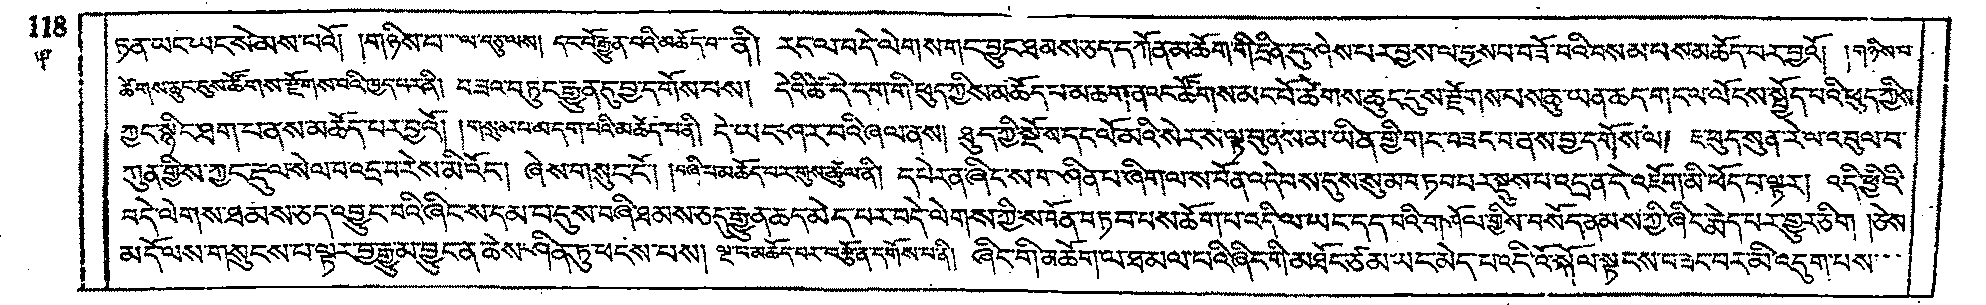ཏན་ཡང་ཡང་སེམས་པའོ། །གཉིས་པལ་བཅུ་ལས། དང་པོ་རྒྱུན་པའི་མཆོད་པནི། རང་ལ་བདེ་ལེགས་གང་བྱུང་ཐམས་ཅད་དཀོན་མཆོག་གི་དྲིན་དུ་ཤེས་པར་བྱས་ལ་བྱས་པ་བཟོ་བའི་བསམ་པས་མཆོད་པར་བྱའོ། །གཉིས་པ་
ཚེགས་ཆུང་དུས་ཚོགས་རྫོགས་པའི་ཁྱད་པར་ནི། བཟའ་བཏུང་རྒྱུན་དུ་བྱ་དགོས་པས། དེའི་ཚེ་དེ་དག་གི་ཕུད་ཀྱིས་མཆོད་པ་མ་ཆག་ནའང་ཚོགས་མང་པོ་ཚེགས་ཆུད་དུས་རྫོགས་པས་ཆུ་ཡན་ཆད་གང་ལ་ལོངས་སྤྱོད་པའི་ཕུད་ཀྱིས་
ཀྱང་སྙིང་ཐག་པ་ནས་མཆོད་པར་བྱའོ། ། གསུམ་པ་མ་དག་པའི་མཆོད་པ་ནི།  དེ་ཡང་ཤ་ར་བའི་ཞལ་ནས། ཐུད་ཀྱི་སྔོ་ས་དང་ལོ་མའི་སེར་ས་ལྟ་བུ་ནས་མ་ཡིན་གྱི་གང་བཟང་བ་ནས་བྱ་དགོས་ལ། ཇ་ཕུད་སུན་རེ་ལ་འབུལ་བ་
ཀུན་གྱིས་ཀྱང་རྡུལ་སེལ་བ་འདྲ་བ་རེས་མི་འོང་། ཞེས་གསུང་ངོ། ། བཞི་པ་མཆོད་པར་གུས་ཚུལ་ནི།  དཔེར་ན་ཞིང་ས་བཤིན་པ་ཞིག་ལ་ས་བོན་འདེབས་དུས་སུ་མ་བཏབ་པར་སྡུས་པ་འདྲ་ན་དེ་འཇོག་མི་ཕོད་པ་ལྟར། འདི་ཕྱིའི་
བདེ་ལེགས་ཐམས་ཅད་འབྱུང་བའི་ཞིང་ས་དམ་པ་དུས་བཞི་ཐམས་ཅད་རྒྱུན་ཆད་མེད་པར་བདེ་ལེགས་ཀྱི་ས་བོན་བཏབ་པས་ཆོག་པ་འདི་ལ་ཡང་དད་པའི་གཤོལ་གྱིས་བསོད་ནམས་ཀྱི་ཞིང་རྨེད་པར་གྱུར་ཅིག །ཅེས་
མདོ་ལས་གསུངས་པ་ལྟར་བྱ་རྒྱུ་མ་བྱུང་ན་ཆེས་ཤིན་ཏུ་ཕངས་པས། ལྔ་པ་མཆོད་པར་བརྩོན་དགོས་པ་ནི།  ཞིང་གི་མཆོག་ལ་ཐ་མལ་པའི་ཞིང་གི་མཐོང་ཙམ་ཡང་མེད་པ་འདི་འོ་སྐོལ་སྟངས་བཟང་བར་མི་འདུག་པས་